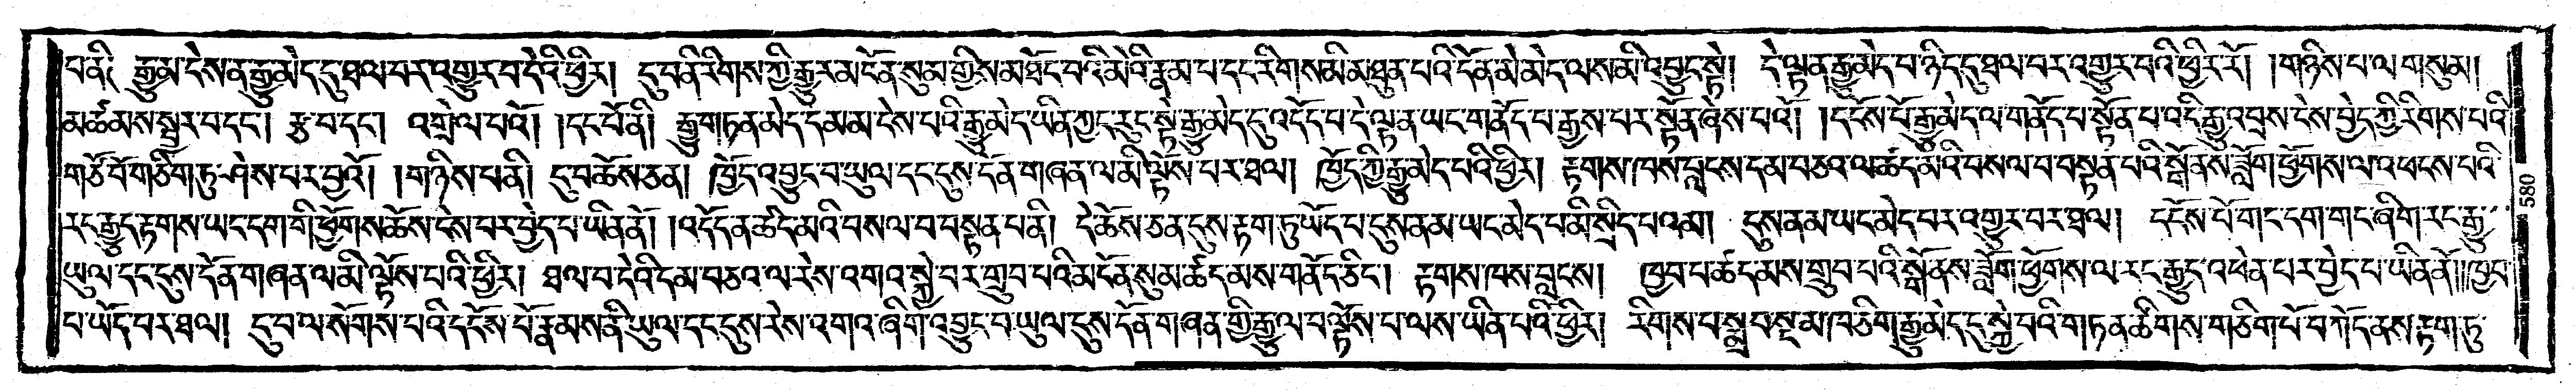པ་ནི། རྒྱུ་མ་དེས་ན་རྒྱུ་མེད་དུ་ཐལ་བར་འགྱུར་བ་དེའི་ཕྱིར། དུ་བ་ནི་རིགས་ཀྱི་རྒྱུར་མངོན་སུམ་གྱིས་མཐོང་བའི་མེའི་རྣམ་པ་དང་རིགས་མི་མཐུན་པའི་དོན་མེ་མེད་ལས་མི་འབྱུང་སྟེ། དེ་ལྟ་ན་རྒྱུ་མེད་པ་ཉིད་དུ་ཐལ་བར་འགྱུར་བའི་ཕྱིར་རོ། །གཉིས་པ་ལ་གསུམ།
མཚམས་སྦྱར་བ་དང་། རྩ་བ་དང་། འགྲེལ་པའོ། །དང་པོ་ནི། རྒྱུ་གཏན་མེད་དམ་མ་ངེས་པའི་རྒྱུ་མེད་ཡིན་ཀྱང་རུང་སྟེ་རྒྱུ་མེད་དུ་འདོད་པ་དེ་ལྟ་ན་ཡང་གནོད་པ་རྒྱས་པར་སྟོན་ཞེས་པའོ། །དངོས་པོ་རྒྱུ་མེད་ལ་གནོད་པ་སྟོན་པ་འདི་རྒྱུ་འབྲས་ངེས་བྱེད་ཀྱི་རིགས་པའི་
གཙོ་བོ་གཅིག་ཏུ་ཤེས་པར་བྱའོ། །གཉིས་པ་ནི། དུ་བ་ཆོས་ཅན། ཁྱོད་འབྱུང་བ་ཡུལ་དང་དུས་དོན་གཞན་ལ་མི་ལྟོས་པར་ཐལ། ཁྱོད་ཀྱི་རྒྱུ་མེད་པའི་ཕྱིར། རྟགས་ཁས་བླངས་དམ་བཅའ་ལ་ཚད་མའི་བསལ་བ་བསྟན་པའི་སྒོ་ནས་ཟློག་ཕྱོགས་ལ་འཕངས་པའི་
རང་རྒྱུད་རྟགས་ཡང་དག་གི་ཕྱོགས་ཆོས་ངེས་པར་བྱེད་པ་ཡིན་ནོ། །འདོད་ན་ཚད་མའི་བསལ་བ་བསྟན་པ་ནི། དེ་ཆོས་ཅན་དུས་རྟག་ཏུ་ཡོད་པ་དུས་ནམ་ཡང་མེད་པ་མི་སྲིད་པའམ། དུས་ནམ་ཡང་མེད་པར་འགྱུར་བར་ཐལ། དངོས་པོ་གང་དག་གང་ཞིག་རང་རྒྱུ་
ཡུལ་དང་དུས་དོན་གཞན་ལ་མི་ལྟོས་པའི་ཕྱིར། ཐལ་བ་དེའི་དམ་བཅའ་ལ་རེས་འགའ་སྐྱེ་བར་གྲུབ་པའི་མངོན་སུམ་ཚད་མས་གནོད་ཅིང་། རྟགས་ཁས་བླངས། ཁྱབ་པ་ཚད་མས་གྲུབ་པའི་སྒོ་ནས་ཟློག་ཕྱོགས་ལ་རང་རྒྱུད་འཕེན་པར་བྱེད་པ་ཡིན་ནོ། །ཁྱབ་
པ་ཡོད་པར་ཐལ། དུ་བ་ལ་སོགས་པའི་དངོས་པོ་རྣམས་ནི་ཡུལ་དང་དུས་རེས་འགའ་ཞིག་འབྱུང་བ་ཡུལ་དུས་དོན་གཞན་གྱི་རྒྱུ་ལ་བལྟོས་པ་ལས་ཡིན་པའི་ཕྱིར། རིགས་པ་སྨྲ་བ་སྔ་མ་ཁ་ཅིག་རྒྱུ་མེད་དུ་སྐྱེ་བའི་གཏན་ཚིགས་གཅིག་པོ་བཀོད་ནས་རྟག་ཏུ་